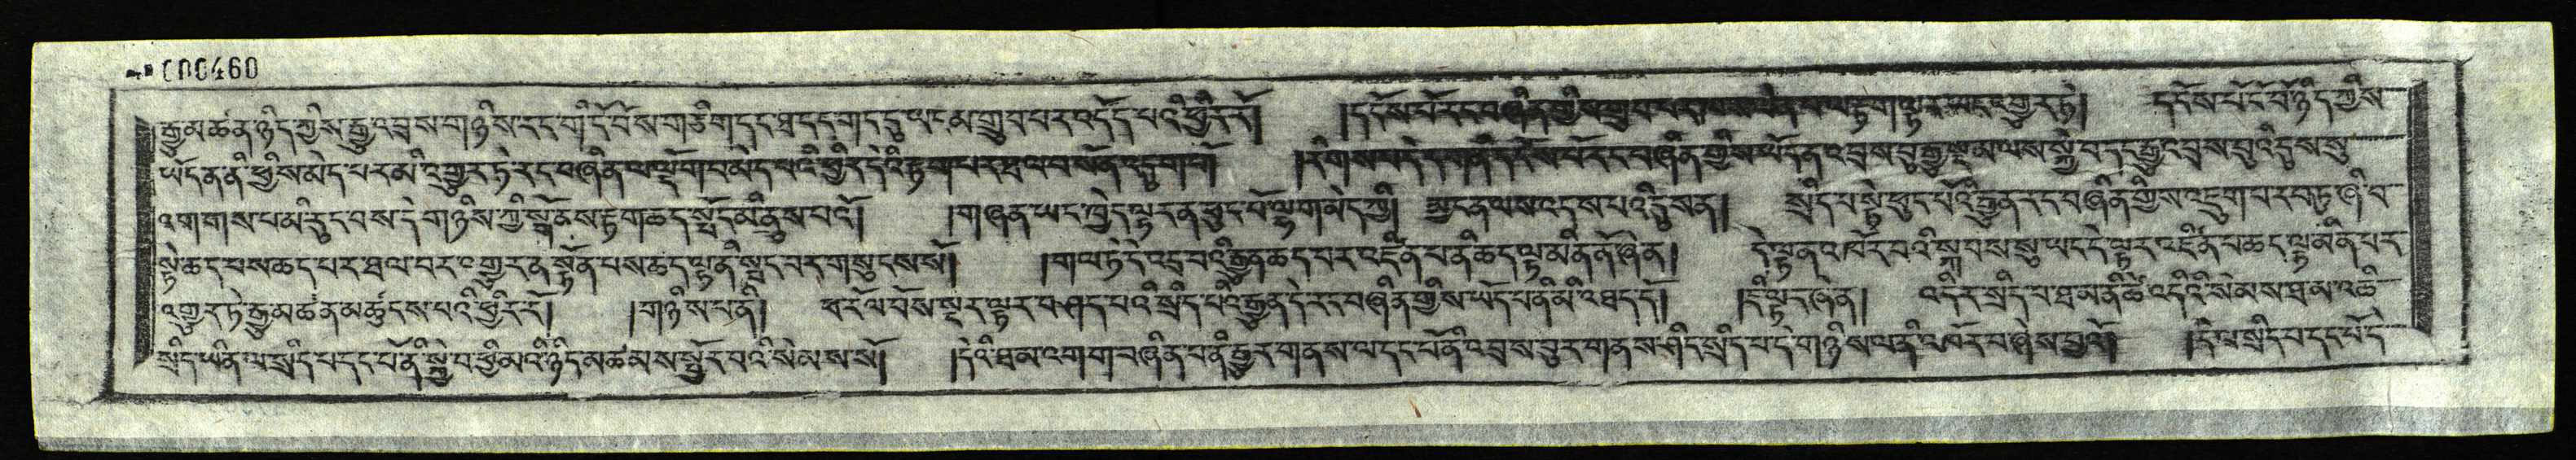རྒྱུ་མཚན་ཉིད་ཀྱིས་རྒྱུ་འབྲས་གཉིས་རང་གི་ངོ་བོས་གཅིག་དང་ཐ་དད་གང་དུ་ཡང་མ་གྲུབ་པར་འདོད་པའི་ཕྱིར་རོ། །དངོས་པོ་རང་བཞིན་གྱིས་གྲུབ་པར་ཁས་ལེན་པ་ལ་རྟག་ལྟར་ཡང་འགྱུར་ཏེ། དངོས་པོ་ངོ་བོ་ཉིད་ཀྱིས་
ཡོད་ན་ནི་ཕྱིས་མེད་པར་མི་འགྱུར་ཏེ་རང་བཞིན་ལ་ལྡོག་པ་མེད་པའི་ཕྱིར་དེའི་རྟག་པར་ཐལ་བ་སོན་འདུག་གོ །རིགས་པ་དེ་དག་ནི་དངོས་པོ་རང་བཞིན་གྱིས་ཡོད་ན་འབྲས་བུ་རྒྱུ་སྔ་མ་ལས་སྐྱེ་བ་དང་རྒྱུ་འབྲས་བུའི་དུས་སུ་
འགགས་པ་མི་རུང་བས་དེ་གཉིས་ཀྱི་སྒོ་ནས་རྟག་ཆད་སྤོང་མི་ནུས་པའོ། །གཞན་ཡང་ཁྱེད་ལྟར་ན་ཕུང་པོ་ལྷག་མེད་ཀྱི། མྱ་ངན་ལས་འདས་པའི་དུས་ན། སྲིད་པ་སྟེ་ཕུང་པོའི་རྒྱུན་རང་བཞིན་གྱིས་འཇུག་པ་རབ་ཏུ་ཞི་བ་
སྟེ་ཆད་པས་ཆད་པར་ཐལ་བར་འགྱུར་ན་སྟོན་པས་ཆད་ལྷ་ནི་སྤང་བར་གསུངས་སོ། །གལ་ཏེ་དེ་འདྲ་བའི་རྒྱུན་ཆད་པར་འཛིན་པ་ནི་ཆད་ལྟ་མིན་ནོ་ཞེ་ན། དེ་ལྟ་ན་འཁོར་བའི་སྐབས་སུ་ཡང་དེ་ལྟར་འཛིན་པ་ཆད་ལྟ་མིན་པར་
འགྱུར་ཏེ་རྒྱུ་མཚན་མཚུངས་པའི་ཕྱིར་རོ། །གཉིས་པ་ནི། ཕ་རོལ་བོས་སྔར་ལྟར་བཤད་པའི་སྲིད་པའི་རྒྱུན་དེ་རང་བཞིན་གྱིས་ཡོད་པ་ནི་མི་འཐད་དོ། །ཇི་ལྟར་ཞེ་ན། འདིར་སྲིད་པ་ཐ་མ་ནི་ཚེ་འདིའི་སེམས་ཐ་མ་འཆི་
སྲིད་ཡིན་ལ་སྲིད་པ་དང་པོ་ནི་སྐྱེ་བ་ཕྱི་མའི་ཉིད་མཚམས་སྦྱོར་བའི་སེམས་སོ། །དེའི་ཐ་མ་འགག་བཞིན་པ་ནི་རྒྱུར་གནས་ལ་དང་པོ་ནི་འབྲས་བུར་གནས་ཤིང་སྲིད་པ་དེ་གཉིས་ལ་ནི་འཁོར་བ་ཞེས་བྱའོ། །དེ་ལ་སྲིད་པ་དང་པོ་དེ་